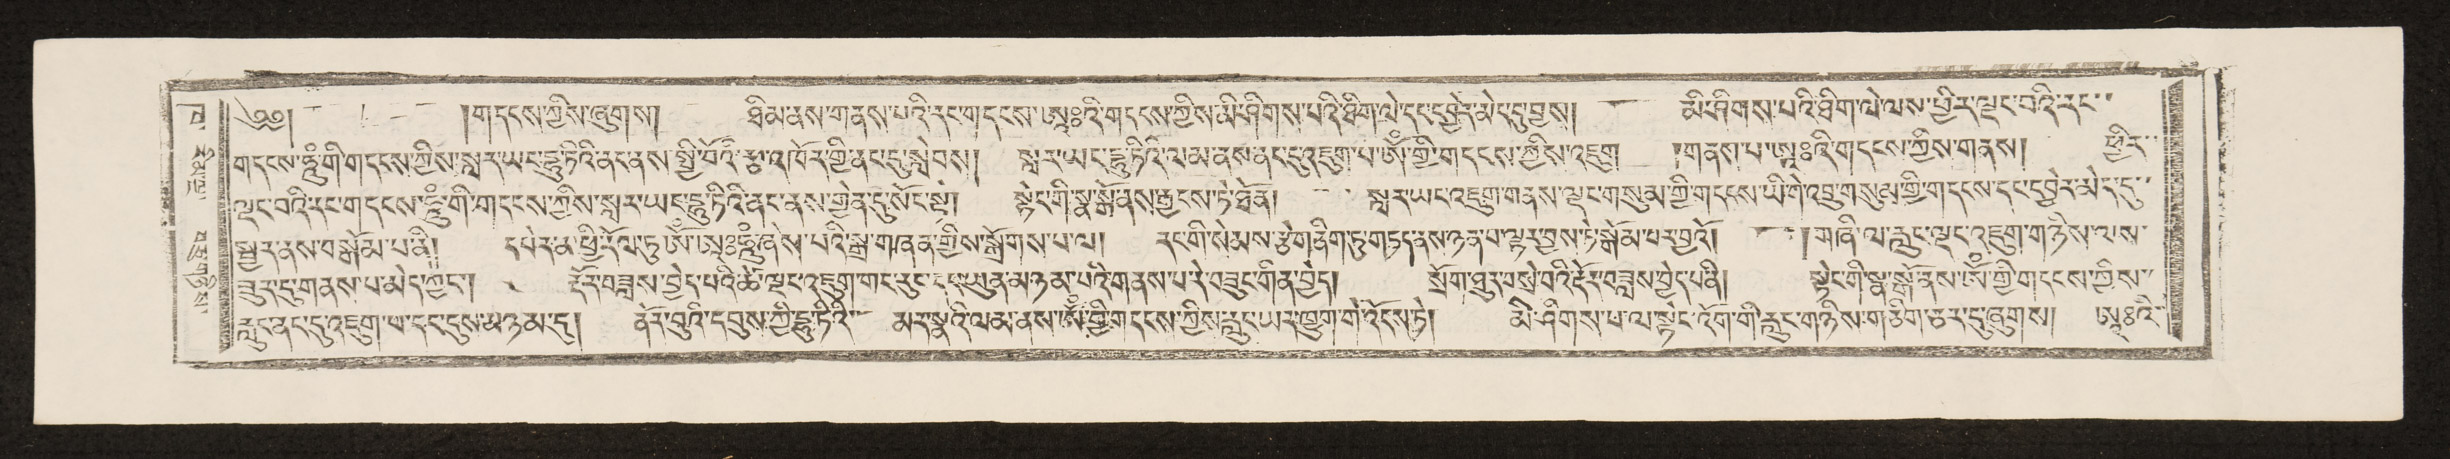༄༅། །གདངས་ཀྱིས་ཞུགས། ཐིམ་ནས་གནས་པའི་རང་གདངས་ཨཱཿའི་གདངས་ཀྱིས་མི་ཤིགས་པའི་ཐིག་ལེ་དང་དབྱེར་མེད་དུ་བྱས། མི་ཤིགས་པའི་ཐིག་ལེ་ལས་ཕྱིར་ལྡང་བའི་རང་
གདངས་ཧཱུཾ་གི་གདངས་ཀྱིས་སླར་ཡང་དྷཱུ་ཏིའི་ནང་ནས་སྤྱི་བོའི་རྩ་འཁོར་གྱི་ནང་དུ་སླེབས། སླར་ཡང་དྷུ་ཏིའི་ལམ་ནས་ནང་དུ་འཇུག་པ་ཨོཾ་གྱི་གདངས་ཀྱིས་འཇུག། གནས་པ་ཨཱཿའི་གདངས་ཀྱིས་གནས། ཕྱིར་
ལྡང་བའི་རང་གདངས་ཧཱུཾ་གི་གདངས་ཀྱིས་སླར་ཡང་དྷུ་ཏིའི་ནང་ནས་གྱེན་དུ་སོང་སྟེ། སྟེང་གི་སྣ་སྒོ་ནས་རྒྱངས་ཏེ་ཐོན། སླར་ཡང་འཇུག་གནས་ལྡང་གསུམ་གྱི་གདངས་ཡི་གེ་འབྲུ་གསུམ་གྱི་གདངས་དང་དབྱེར་མེད་དུ་
སྦྱར་ནས་བསྒོམ་པ་ནི། དཔེར་ན་ཕྱི་རོལ་ཏུ་ཨོཾ་ཨཱཿཧཱུཾ་ཞེས་པའི་སྒྲ་གཞན་གྱིས་སྒྲོགས་པ་ལ། རང་གི་སེམས་རྩེ་གཅིག་ཏུ་གཏད་ནས་ཉན་པ་ལྟར་བྱས་ཏེ་སྒོམ་པར་བྱའོ། །གཞི་ལ་རླུང་ལྡང་འཇུག་གཉིས་ལས་
ཟུར་དུ་གནས་པ་མེད་ཀྱང་། རྡོར་བཟླས་བྱེད་པའི་ཚེ་ལྡང་འཇུག་གང་རུང་དང་ཡུན་མཉམ་པའི་གནས་པ་རེ་བཟུང་གིན་བྱེད། སྲོག་ཐུར་བསྲེ་བའི་རྡོར་བཟླས་བྱེད་པ་ནི། སྟེང་གི་སྣ་སྒོ་ནས་ཨོཾ་གྱི་གདངས་ཀྱིས་
རླུང་ནང་དུ་འཇུག་པ་དང་དུས་མཉམ་དུ། ནོར་བུའི་དབུས་ཀྱི་དྷུ་ཏིའི་མར་སྣའི་ལམ་ནས་ཨོཾ་གྱི་གདངས་ཀྱིས་རླུང་ཡར་ཁྱུག་གི་འོངས་ཏེ། མི་ཤིགས་པ་ལ་སྟེང་འོག་གི་རླུང་གཉིས་གཅིག་ཅར་དུ་ཞུགས། ཨཱཿའི་